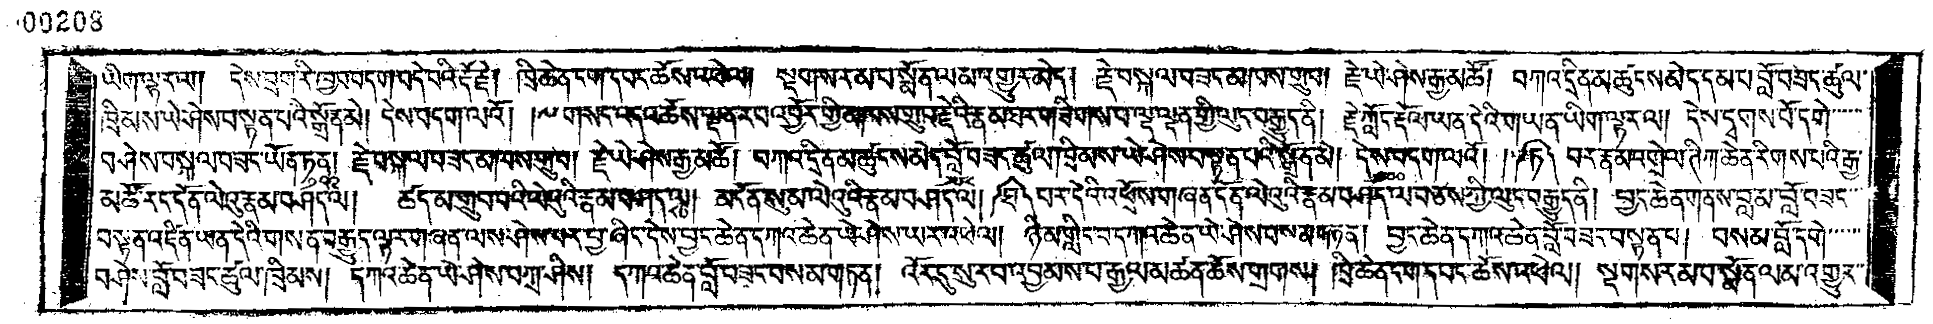ཡིག་ལྟར་ལ། དེས་བྲག་རི་ཁྱབ་བདག་བདེ་བའི་རྡོ་རྗེ། ཁྲི་ཆེན་ངག་དབང་ཆོས་འཕེལ། སྔགས་རམ་པ་སྨོན་ལམ་འགྱུར་མེད། རྗེ་བསྐལ་བཟང་མཁས་གྲུབ། རྗེ་ཡེ་ཤེས་རྒྱ་མཚོ། བཀའ་དྲིན་མཚུངས་མེད་དམ་པ་བློ་བཟང་ཚུལ་
ཁྲིམས་ཡེ་ཤེས་བསྟན་པའི་སྒྲོན་མེ། དེས་བདག་ལའོ། ༧གསང་འདའ་ཆོས་ལྡན་རབ་འབྱོར་གྱི་མཁས་གྲུབ་རྗེའི་རྣམ་ཐར་གཟིགས་པ་ལྔ་ལྡན་གྱི་ལུང་བརྒྱུད་ནི། རྗེ་ཀློང་རྡོལ་ཡན་དེའི་གཡན་ཡིག་ལྟར་ལ། དེས་དྭགས་པོ་དགེ་
བཤེས་བསྐལ་བཟང་ཡོན་ཏན། རྗེ་བསྐལ་བཟང་མཁས་གྲུབ། རྗེ་ཡེ་ཤེས་རྒྱ་མཚོ། བཀའ་དྲིན་མཚུངས་མེད་བློ་བཟང་ཚུལ་ཁྲིམས་ཡེ་ཤེས་བསྟན་པའི་སྒྲོན་མེ། དེས་བདག་ལའོ། །༼ཏ༽ པར་རྣམ་འགྲེལ་ཊིཀ་ཆེན་རིགས་པའི་རྒྱ་
མཚོ་རང་དོན་ལེའུ་རྣམ་བཤད་ལ། ཚད་མ་གྲུབ་པའི་ལེའུའི་རྣམ་བཤད་ལ། མངོན་སུམ་ལེའུའི་རྣམ་བཤད་ལ། ༼ཐ༽ པར་དེའི་འཕྲོས་གཞན་དོན་ལེའུའི་རྣམ་བཤད་ལ་བཅས་ཀྱི་ལུང་བརྒྱུད་ནི། བྱང་ཆེན་གནས་བླ་མ་བློ་བཟང་
བསྟན་འཛིན་ཡན་དེའི་གསན་བརྒྱུད་ལྟར་གཞན་ལས་ཤེས་པར་བྱ་ཞིང་དེས་བྱང་ཆེན་དཀའ་ཆེན་ཡེ་ཤེས་ཡར་འཕེལ། ཉི་མ་གླིང་བ་དཀའ་ཆེན་ཡེ་ཤེས་བསམ་གཏན། བྱང་ཆེན་དཀའ་ཆེན་བློ་བཟང་བསྟན་པ། བསམ་བློ་དགེ་
བཤེས་བློ་བཟང་ཚུལ་ཁྲིམས། དཀའ་ཆེན་ཡེ་ཤེས་བཀྲ་ཤིས། དཀའ་ཆེན་བློ་བཟང་བསམ་གཏན། འོར་དུ་སུ་རབ་འབྱམས་པ་རྒྱལ་མཚན་ཆོས་གྲགས། ཁྲི་ཆེན་ངག་དབང་ཆོས་འཕེལ། སྔགས་རམ་པ་སྨོན་ལམ་འགྱུར་